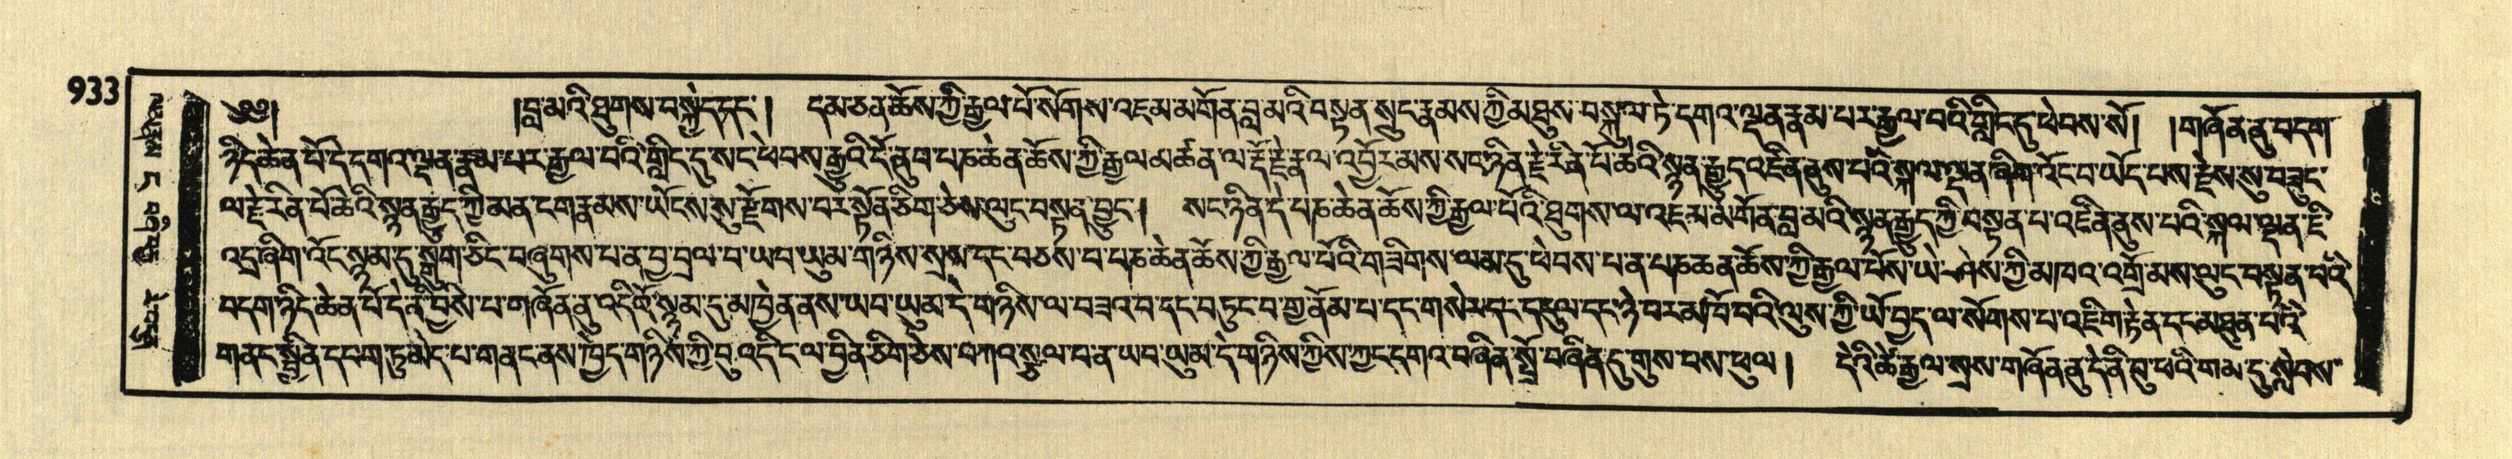༄༅། །བླ་མའི་ཐུགས་བསྐྱེད་དང་། དམ་ཅན་ཆོས་ཀྱི་རྒྱལ་པོ་སོགས་འཇམ་མགོན་བླ་མའི་བསྟན་སྲུང་རྣམས་ཀྱི་མཐུས་བསྐུལ་ཏེ་དགའ་ལྡན་རྣམ་པར་རྒྱལ་བའི་གླིང་དུ་ཕེབས་སོ། །གཞོན་ནུ་བདག་
ཉིད་ཆེན་པོ་དེ་དགའ་ལྡན་རྣམ་པར་རྒྱལ་བའི་གླིང་དུ་སང་ཕེབས་རྒྱུའི་དོ་ནུབ་པཎ་ཆེན་ཆོས་ཀྱི་རྒྱལ་མཚན་ལ་རྡོ་རྗེ་རྣལ་འབྱོར་མས་སང་ཉིན་རྗེ་རིན་པོ་ཆེའི་སྙན་རྒྱུད་འཛིན་ནུས་པའི་སྐལ་ལྡན་ཞིག་འོང་བ་ཡོད་པས་རྗེས་སུ་བཟུང་
ལ་རྗེ་རིན་པོ་ཆེའི་སྙན་རྒྱུད་ཀྱི་མན་ངག་རྣམས་ཡོངས་སུ་རྫོགས་པར་སྟོན་ཅིག་ཅེས་ལུང་བསྟན་བྱུང་། སང་ཉིན་དེ་པཎ་ཆེན་ཆོས་ཀྱི་རྒྱལ་པོའི་ཐུགས་ལ་འཇམ་མགོན་བླ་མའི་སྙན་རྒྱུད་ཀྱི་བསྟན་པ་འཛིན་ནུས་པའི་སྐལ་ལྡན་ཇི་
འདྲ་ཞིག་འོང་སྙམ་དུ་སྒུག་ཅིང་བཞུགས་པ་ན་བྱ་བྲལ་བ་ཡབ་ཡུམ་གཉིས་སྲས་དང་བཅས་པ་པཎ་ཆེན་ཆོས་ཀྱི་རྒྱལ་པོའི་གཟིགས་ལམ་དུ་ཕེབས་པ་ན་པཎ་ཆན་ཆོས་ཀྱི་རྒྱལ་པོས་ཡེ་ཤེས་ཀྱི་མཁའ་འགྲོ་མས་ལུང་བསྟན་པའི་
བདག་ཉིད་ཆེན་པོ་དེ་ནི་བྱིས་པ་གཞོན་ནུ་འདིའོ་སྙམ་དུ་མཁྱེན་ནས་ཡབ་ཡུམ་དེ་གཉིས་ལ་བཟའ་བ་དང་བཏུང་བ་གྱ་ནོམ་པ་དང་གསེར་དང་དངུལ་དང་ཉེ་བར་མཁོ་བའི་ལུས་ཀྱི་ཡོ་བྱད་ལ་སོགས་པ་འཇིག་རྟེན་དང་མཐུན་པའི་
གནང་སྦྱིན་དཔག་ཏུ་མེད་པ་གནང་ནས་ཁྱེད་གཉིས་ཀྱི་བུ་འདི་ང་ལ་བྱིན་ཅིག་ཅེས་བཀའ་སྩལ་པ་ན་ཡབ་ཡུམ་དེ་གཉིས་ཀྱིས་ཀྱང་དགའ་བཞིན་སྤྲོ་བཞིན་དུ་གུས་པས་ཕུལ། དེའི་ཚེ་རྒྱལ་སྲས་གཞོན་ནུ་དེ་ནི་བུ་ཕའི་གམ་དུ་སླེབས་